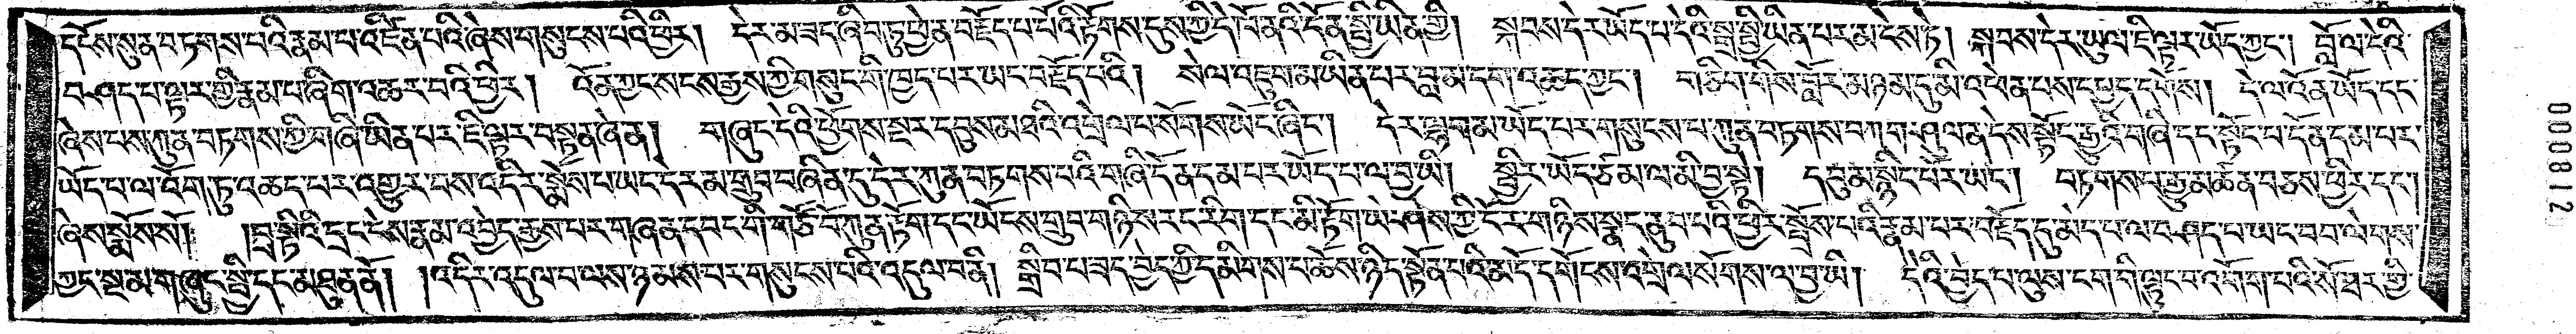དངོས་སུ་ན་བཏགས་པའི་རྣམ་པ་འཛིན་པའི་ཞེས་གསུངས་པའི་ཕྱིར། དེར་མ་ཟད་ཞིབ་ཏུ་ཕྱེ་ན་བརྗོད་པ་པོའི་རྟོགས་དུས་ཀྱི་དེ་ཁོ་ནའི་དོན་སྤྱི་ཡིན་གྱི། སྐབས་དེར་ཡོད་པ་དེའི་སྒྲ་སྤྱི་ཡིན་པར་མ་ངེས་ཏེ། སྐབས་དེར་ཡུལ་ཇི་ལྟར་ཡོད་ཀྱང་། བློ་ལ་དེའི་
བཤད་པ་ལྟར་གྱི་རྣམ་པ་ཞིག་འཆར་བའི་ཕྱིར། འོན་ཀྱང་སངས་རྒྱས་ཀྱི་གསུང་གི་ཁྱད་པར་ཡང་བརྗོད་པའི། སེལ་འཇུག་མ་ཡིན་པར་བླ་མ་དག་འཆད་ཀྱང་། གཅིག་གིས་བློར་མཉམ་དུ་མི་འཕེན་པས་དཔྱད་དགོས། དེ་ལ་འོ་ན་ཡོད་དང་
ཞེས་པས་ཀུན་བཏགས་ཀྱི་གཞི་ཡིན་པར་ཇི་ལྟར་བསྟན་ཞེ་ན། གཞུང་དེའི་ཕྱོགས་སྔར་དབུས་མཐའི་འགྲེལ་པ་སོགས་ཡོད་ཅིང་། དེར་ལྷག་མ་ཡོད་པར་གསུངས་པ་ཀུན་བཏགས་བཀག་ཤུལ་ན་དེས་སྟོང་རྒྱུའི་གཞི་དང་སྟོང་པ་དོན་དམ་པར་
ཡོད་པ་ལ་འོག་ཏུ་འཆད་པར་འགྱུར་བས་འདིར་སྨོས་པ་ཡང་དེར་མ་གྲུབ་བཞིན་དུ་དེར་ཀུན་བཏགས་པའི་གཞི་དོན་དམ་པར་ཡོད་པ་ལ་བྱ་ཡི། སྤྱིར་ཡོད་ཙམ་ལ་མི་བྱ་སྟེ། དབུ་མ་སྙིང་པོར་ཡང་། བཏགས་པ་རྒྱུ་མཚན་བཅས་ཕྱིར་དང་།
ཞེས་སྨོས་སོ། །བྲ་སྟིའི་དྲང་ངེས་རྣམ་འབྱེད་རྒྱས་པར་གཞན་དབང་གི་གཙོ་བོ་ཀུན་རྟོག་དང་ཡོངས་གྲུབ་གཉིས་རང་རིག་དང་མི་རྟོག་ཡེ་ཤེས་ཀྱི་ངོར་གཉིས་སྣང་ནུབ་པའི་ཕྱིར་སྤྲོས་པའི་རྣམ་པར་བརྗོད་དུ་མེད་པ་ལ་བཤད་པ་ཡང་བབ་ལེགས་
ཀྱང་སྔ་མ་གཞུང་སྤྱི་དང་མཐུན་ནོ། །འདིར་འདུལ་བ་ལས་ཉམས་པར་གསུངས་པའི་འདུལ་བ་ནི། སྒྲིབ་པ་ཟད་བྱེད་ཀྱི་དམིགས་པ་ཆོས་ཉིད་སྟོན་པའི་མདོ་དགོངས་འགྲེལ་སོགས་ལ་བྱ་ཡི། དེའི་བྱེད་པ་ལུས་ངག་གི་ལྟུང་བ་འགོག་པའི་སོ་ཐར་གྱི་